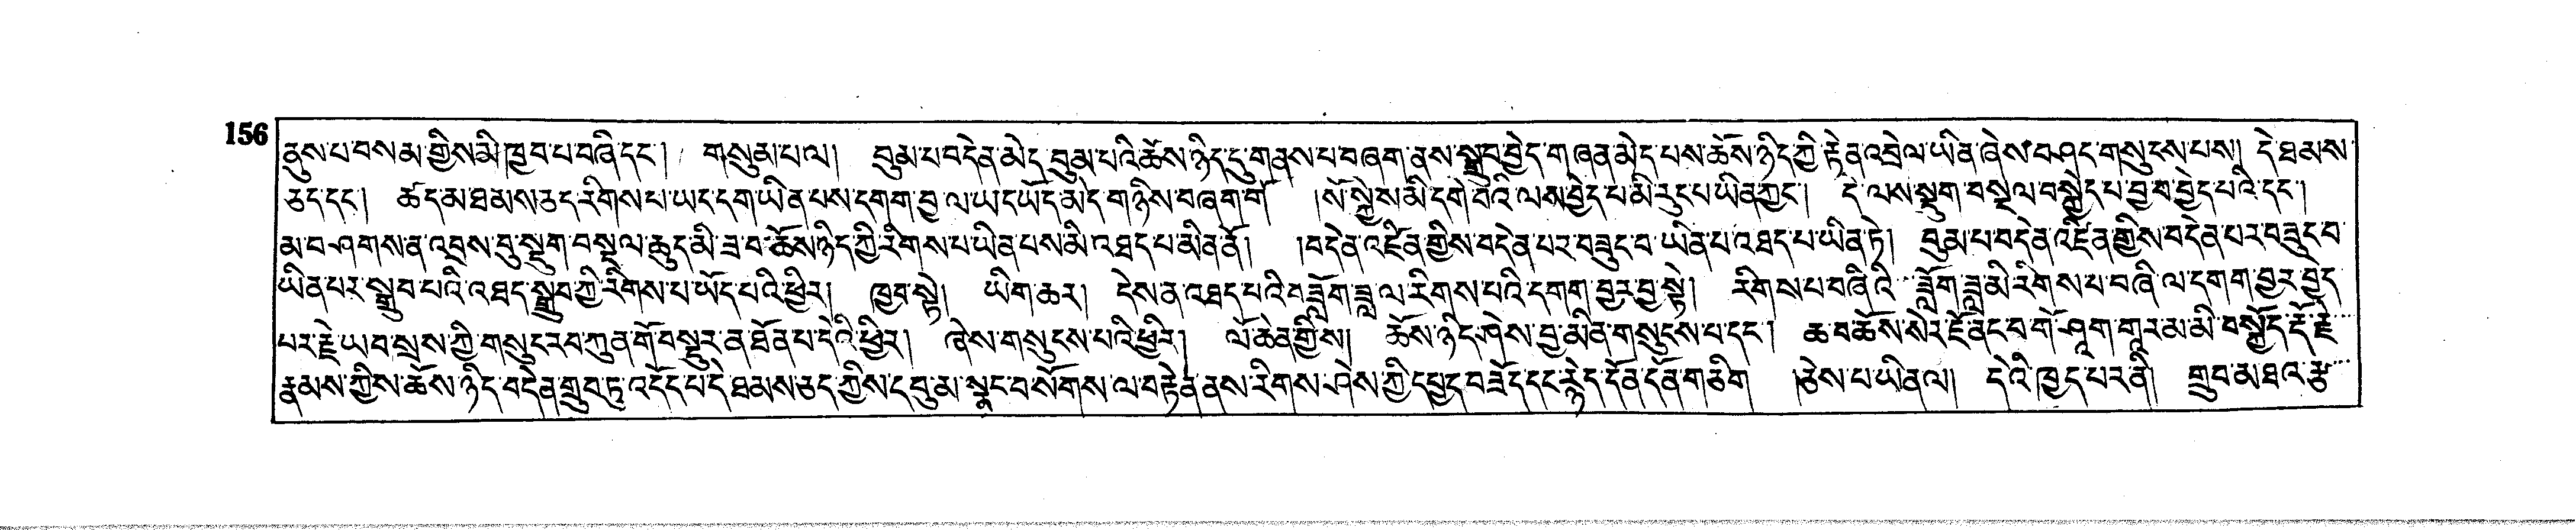ནུས་པ་བསམ་གྱིས་མི་ཁྱབ་པ་བཞི་དང་། གསུམ་པ་ལ། བུམ་པ་བདེན་མེད་བུམ་པའི་ཆོས་ཉིད་དུ་གནས་པ་བཞག་ནས་སྒྲུབ་བྱེད་གཞན་མེད་པས་ཆོས་ཉིད་ཀྱི་རྟེན་འབྲེལ་ཡིན་ཞེས་བཤད་གསུངས་པས། དེ་ཐམས་
ཅད་དང་། ཚད་མ་ཐམས་ཅད་རིགས་པ་ཡང་དག་ཡིན་པས་དགག་བྱ་ལ་ཡང་ཡོད་མེད་གཉིས་བཞག་གོ། །སོ་སྐྱེས་མི་དགེ་བའི་ལས་བྱེད་པ་མི་རུང་པ་ཡིན་ཀྱང་། དེ་ལས་སྡུག་བསྔལ་བསྐྱེད་པ་བྱ་བ་བྱེད་པའི་དང་།
མ་བཤགས་ན་འབྲས་བུ་སྡུག་བསྔལ་ཆུད་མི་ཟ་བ་ཆོས་ཉིད་ཀྱི་རིགས་པ་ཡིན་པས་མི་འཐད་པ་མིན་ནོ། །བདེན་འཛིན་གྱིས་བདེན་པར་བཟུང་བ་ཡིན་པ་འཐད་པ་ཡིན་ཏེ། བུམ་པ་བདེན་འཛིན་གྱིས་བདེན་པར་བཟུང་བ་
ཡིན་པར་སྒྲུབ་པའི་འཐད་སྒྲུབ་ཀྱི་རིགས་པ་ཡོད་པའི་ཕྱིར། ཁྱབ་སྟེ། ཡིག་ཆར། དེས་ན་འཐད་པའི་བཟློག་ཟླ་ལ་རིགས་པའི་དགག་བྱར་བྱ་སྟེ། རིགས་པ་བཞིའི་ཟློག་ཟླ་མི་རིགས་པ་བཞི་ལ་དགག་བྱར་བྱེད་
པར་རྗེ་ཡབ་སྲས་ཀྱི་གསུང་རབ་ཀུན་གོ་བསྡུར་ན་ཐོན་པ་དེའི་ཕྱིར། ཞེས་གསུངས་པའི་ཕྱིར། ལོ་ཆེན་གྱིས། ཆོས་ཉིད་ཤེས་བྱ་མིན་གསུངས་པ་དང་། ཆ་བ་ཆོས་སེར་ཇོ་ནང་བ་གོ་ཤཱག་གཱར་མ་མི་བསྐྱོད་རྡོ་རྗེ་
རྣམས་ཀྱིས་ཆོས་ཉིད་བདེན་གྲུབ་ཏུ་འདོད་པ་དེ་ཐམས་ཅད་ཀྱིས་དབུ་མ་སྣང་བ་སོགས་ལ་བརྟེན་ནས་རིགས་ཤེས་ཀྱི་དཔྱད་བཟོད་དང་རྙེད་དོན་དོན་གཅིག །ཅེས་པ་ཡིན་ལ། དེའི་ཁྱད་པར་ནི། གྲུབ་མཐའ་རྩ་